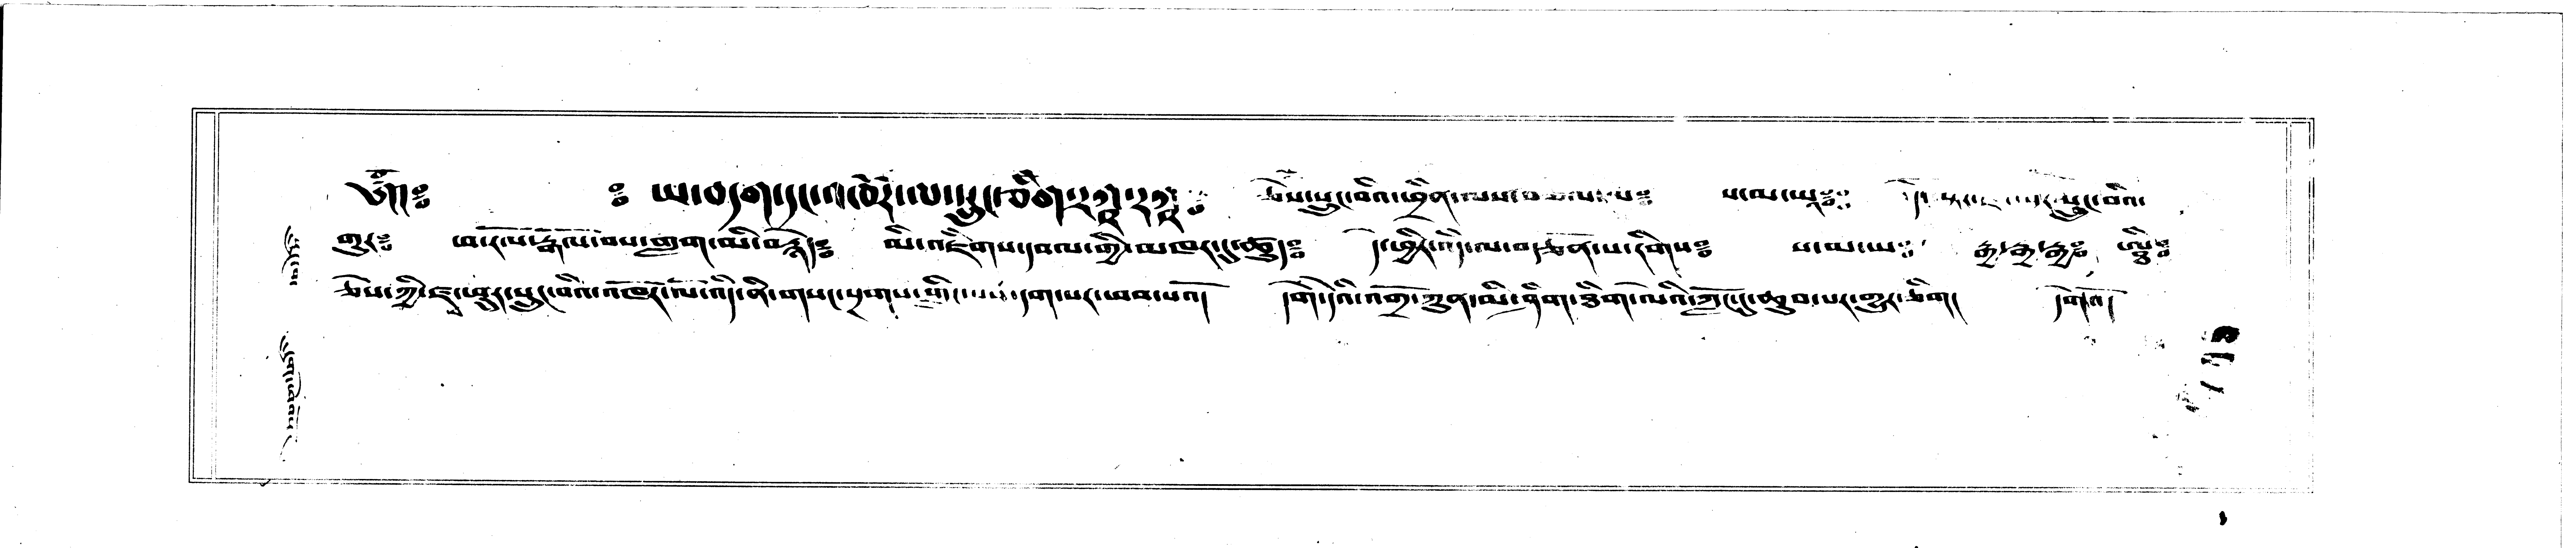༅།༔༔ཡ་བདག་དང་འཁོར་ལ་སྲུང་ཅིག་རཀྵ་རཀྵ༔ ཅེས་སྲུང་བའི་ཕྲིན་ལས་བཅོལ་ལ༔ས་མ་ཡཱ༔༔དེ་ལྟར་ཛྭ་དམར་སྲུང་བའི་
གུར༔ ཕ་རོལ་རྒོལ་བས་གླག་མི་རྙེད༔མི་འཇིགས་དབལ་གྱི་མཁར་དུ་ཚུད༔ དེ་ཕྱིར་འདི་ལ་བརྩོན་པ་རིགས༔ ས་མ་ཡ༔ རྒྱ་རྒྱ་རྒྱ༔ ཨྠི༔
 ཅེས་ཀྱི་ཛྭ་ཕུར་སྲུང་བའི་འཁོར་ལོ་འདི་ནི་གསང་སྔགས་གླིང་པས་དག་པར་ཕབ་པའོ། དགེ་དེའི་འགྲོ་ཀུན་མི་ཤིག་ཐིག་ལེའི་ཀློང་དུ་ཆུབ་པར་གྱུར་ཅིག དགེའོ།